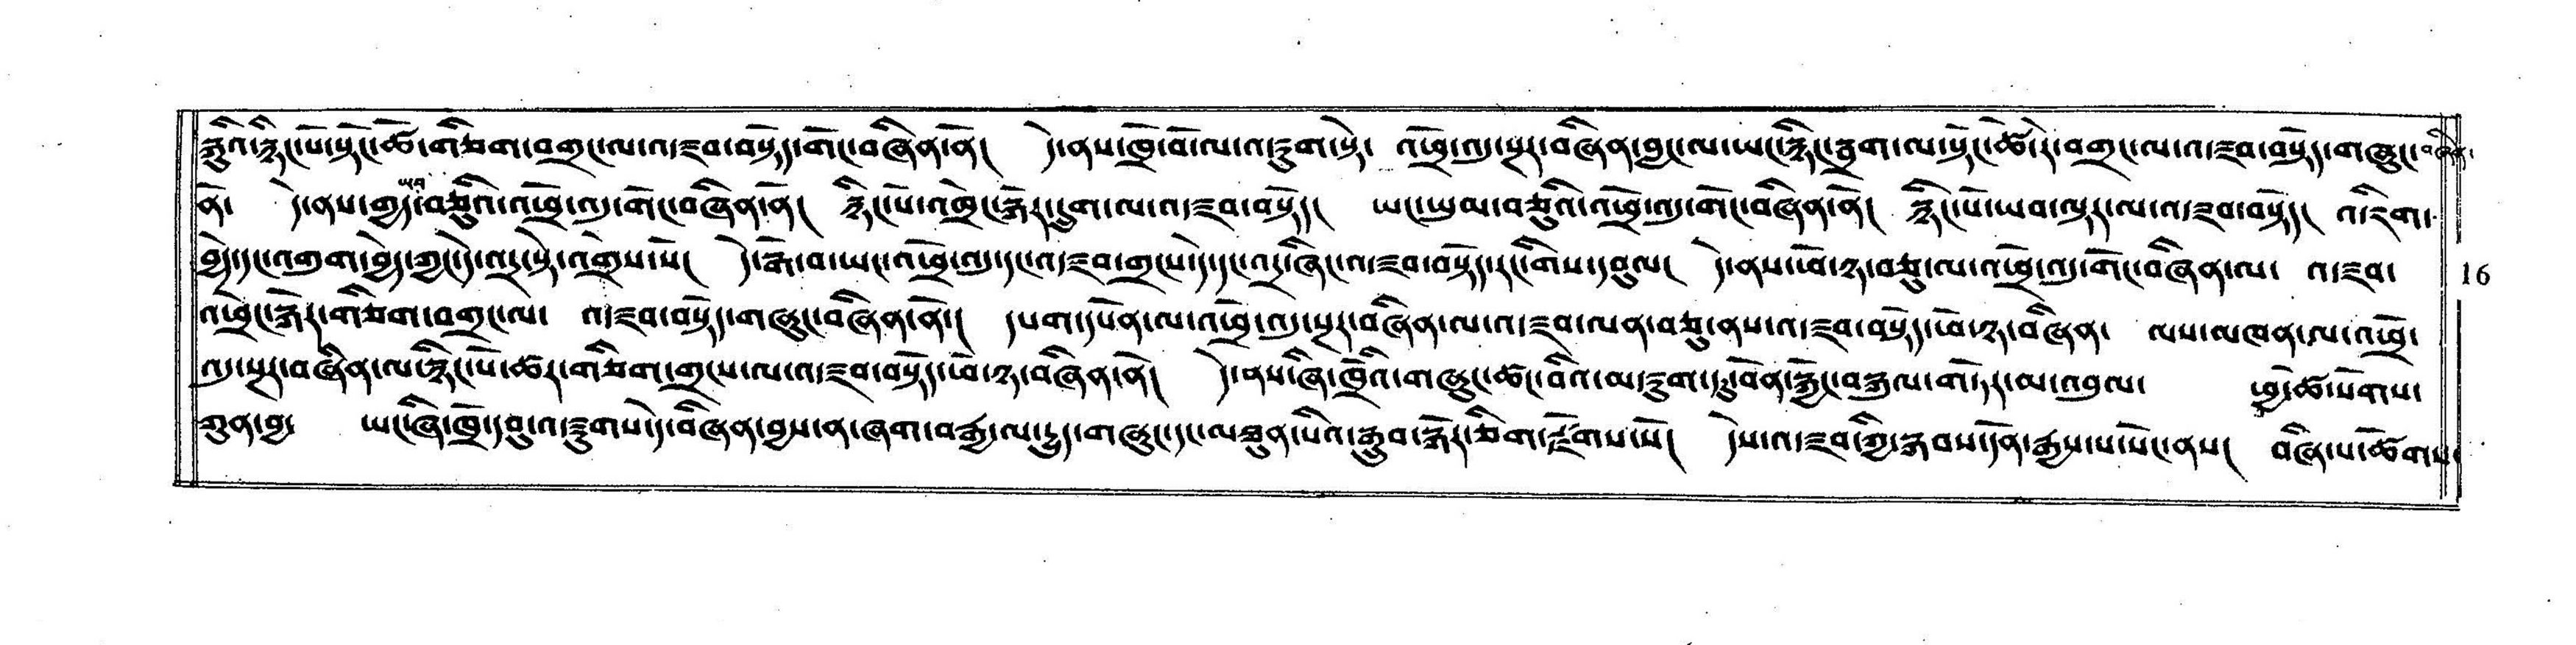སྐུའི་སྙིང་པོ་སྟོང་ཚོ་གཅིག་བགྲང་ལ་འཛབ་བསྟོད་གོང་བཞིན་ནོ། དེ་ནས་ཁྲོ་བོ་ལ་འཇུག་སྟེ། འཕྲོ་འདུ་སྔར་བཞིན་བླང་ལ་ཡང་སྙིང་སྦྲག་ལ་སྟོང་ཚོ་རེ་བགྲང་ལ་འཛབ་བསྟོད་གཞུང་བཞིན་
ནོ། དེ་ནས་གྱད་ཡབ་བཅུའི་འཕྲོ་འདུ་གོང་བཞིན་ནོ། སྙིང་པོ་འཕྲེང་སྐོར་དྲུག་ལ་འཛབ་བསྟོད། ཡང་ཡུམ་བཅུའི་འཕྲོ་འདུ་གོང་བཞིན་ནོ། སྙིང་པོ་ཡབ་ལྟར་ལ་འཛབ་བསྟོད། འཇིག་
བྱེད་དང་འགུག་བྱེད་ཀྱང་དེ་འདྲ་སྟེ་འགྲེས་སོ། དེ་སྒོ་བ་ཡང་འཕྲོ་འདུ་དང་འཛབ་གྲངས་དེ་དང་འདྲ་ཞིང་འཛབ་བསྟོད་རང་གིས་དབུལ། དེ་ནས་ཕོ་ཉ་བཅུ་ལ་འཕྲོ་འདུ་གོང་བཞིན་ལ། འཛབ་
འཕྲེང་སྐོར་གཅིག་བགྲང་ལ། འཛབ་བསྟོད་གཞུང་བཞིན་ནོ། དམག་དཔོན་ལ་འཕྲོ་འདུ་སྔར་བཞིན་ལ་འཛབ་ལན་བཅུ་ནས་འཛབ་བསྟོད་ཕོ་ཉ་བཞིན་ལས་མཁན་ལ་འཕྲོ་
འདུ་སྔར་བཞིན་ལ་སྙིང་པོ་ཚར་གཅིག་གྲངས་ལ་འཛབ་བསྟོད་ཕོ་ཉ་བཞིན་ནོ། དེ་ནས་ཞི་ཁྲོའི་གཞུང་ཚང་བའི་མཇུག་ཏུ་བོན་སྐྱོང་བསྐུལ་གཏོར་མ་འབུལ་ཕྱྭ་ཚེ་སོགས་
ཀུན་བྱ་ཡང་ཞི་ཁྲོ་དབུ་འཛུགས་དེ་བཞིན་བྱས་ན་ཞག་བརྒྱ་ལ་རྒྱུད་གཞུང་དང་མཐུན་པའི་སྒྲུབ་སྐོར་ཅིག་རྫོགས་སོ། དེས་འཛབ་ཀྱི་སྐབས་དོན་རྒྱས་པ་སོང་ནས། བཞི་པ་ཚོགས་